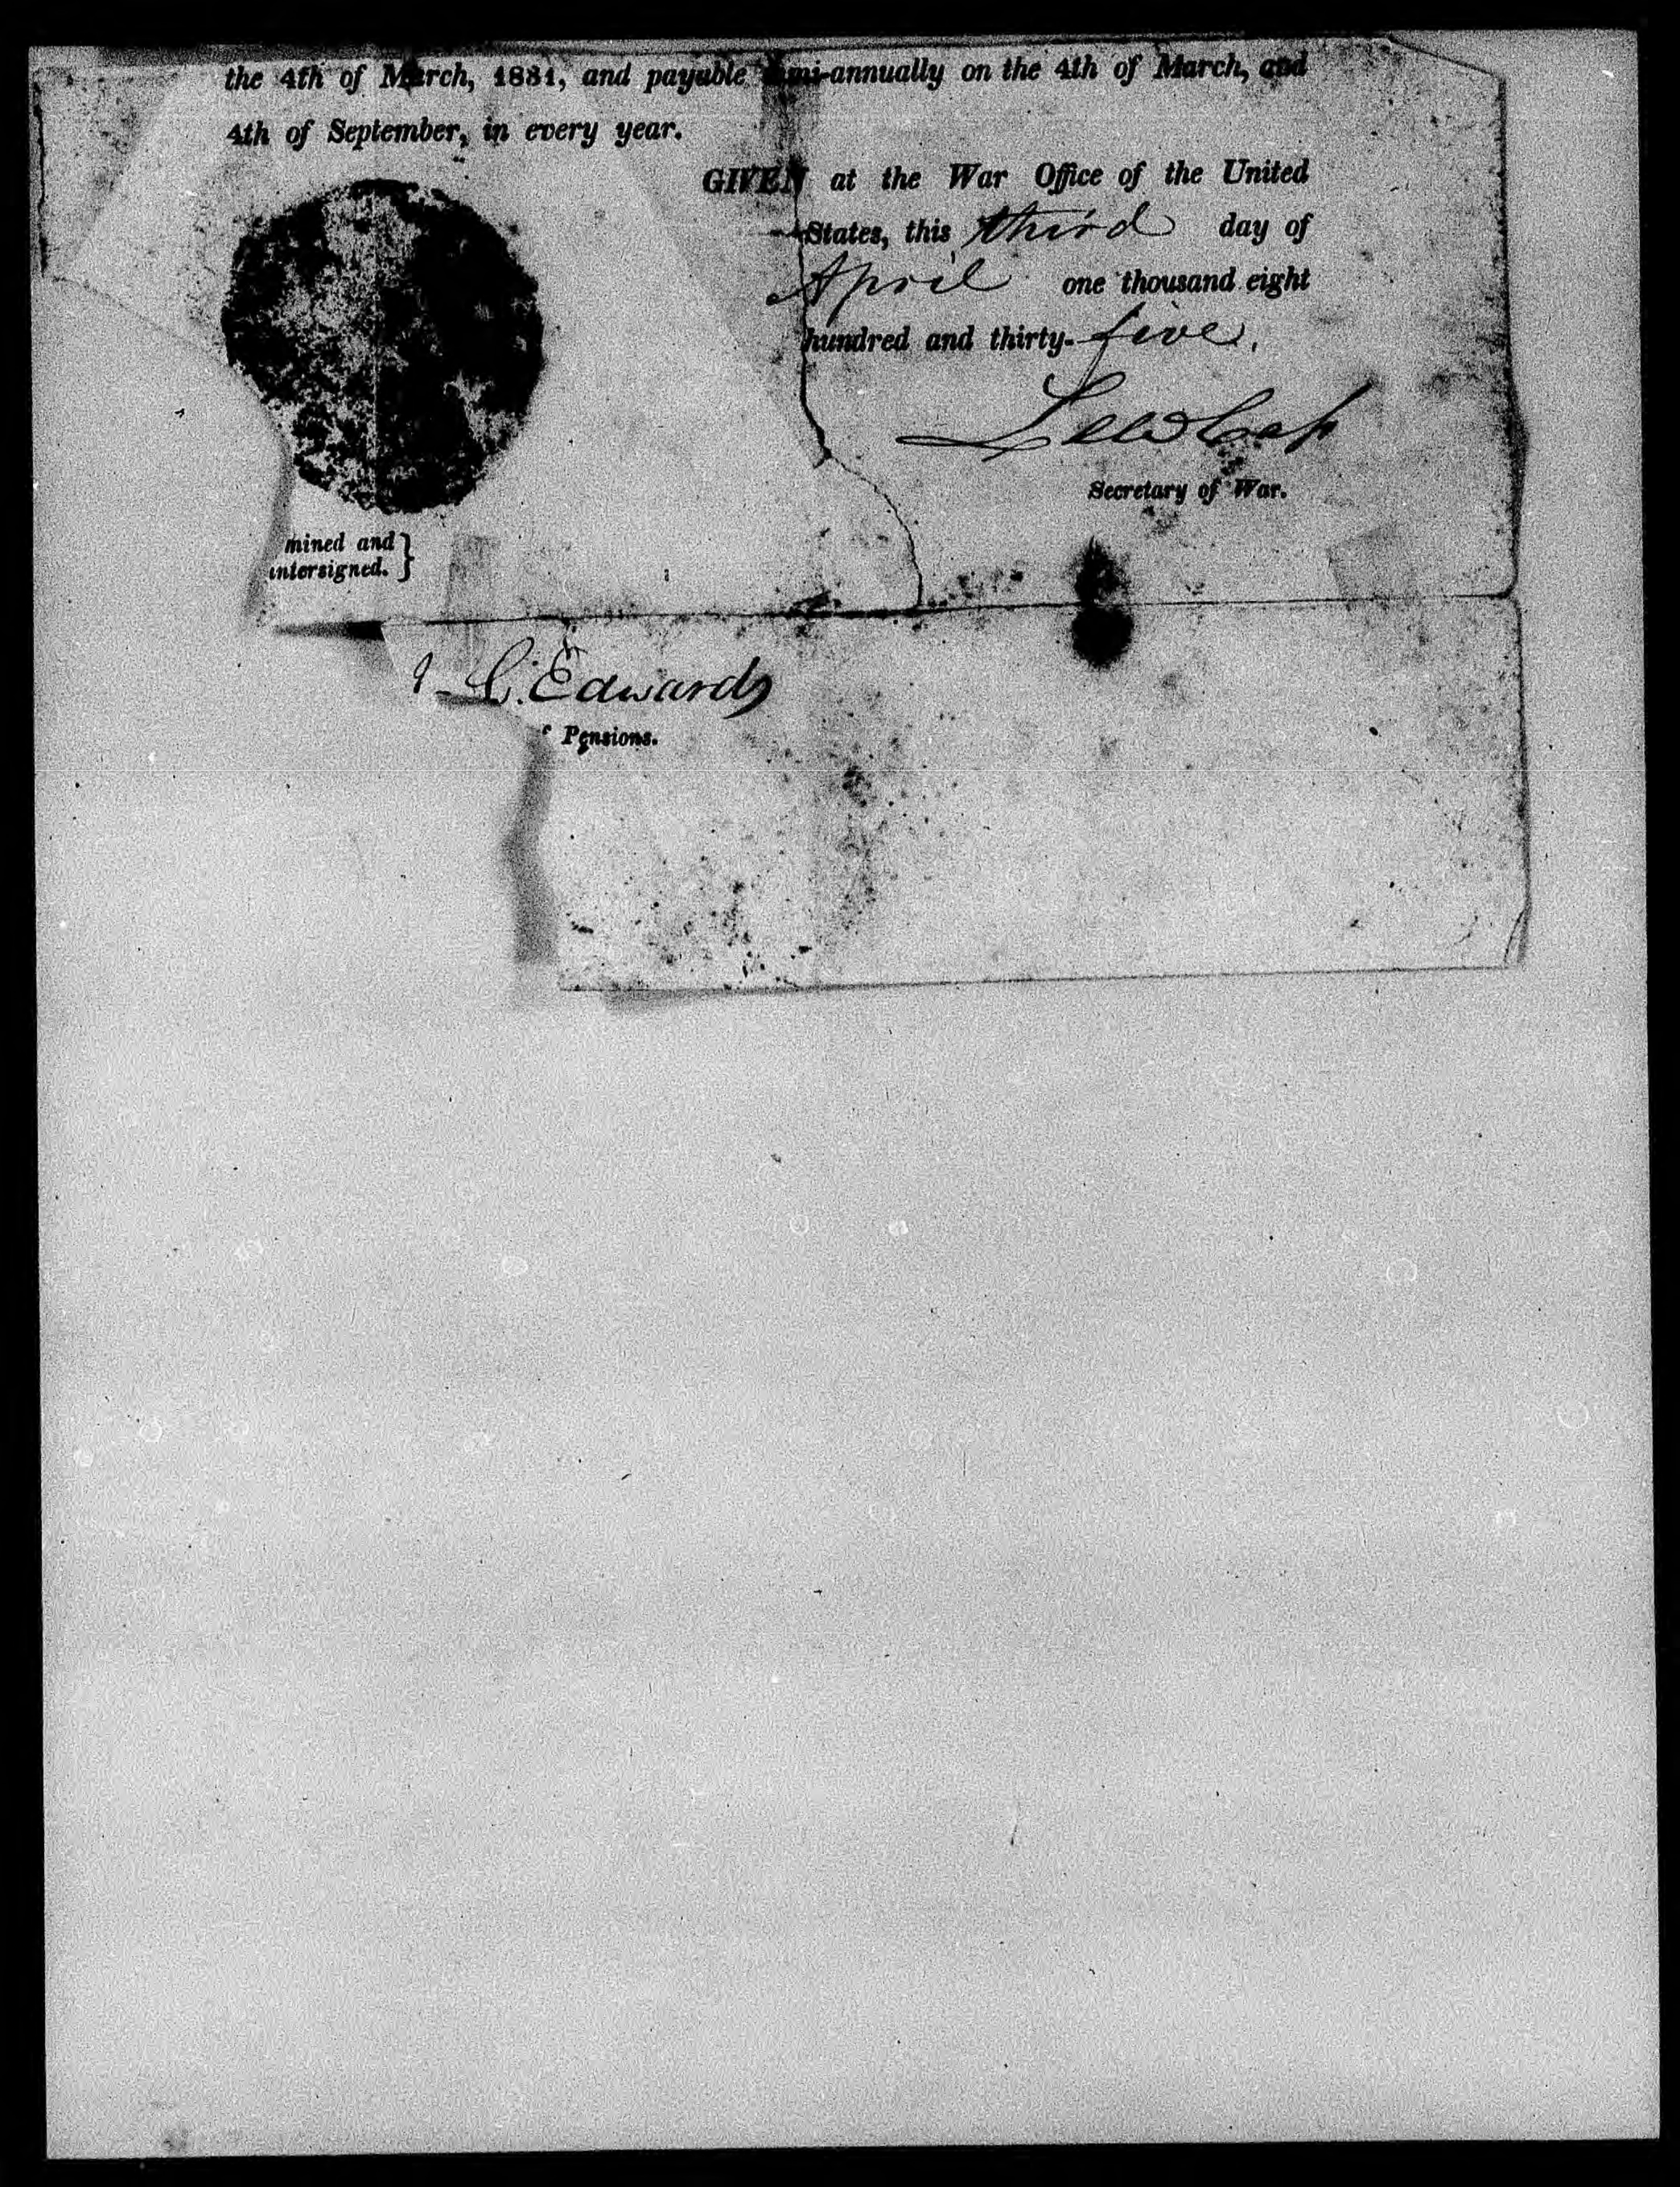[torn page]
the 4th of March, 1831, and payable semi-annually on the 4th 
of March, and 4th of September, in every year.

SEAL

GIVEN at the War Office of the United 
States, this third day of
April one thousand eight
hundred and thirty five. 

Lew Cass
Secretary of War.

mined and  }
intersigned.}

J L. Edwards
of Pensions.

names: Lew Cass; J L Edwards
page: 38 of 115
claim: widow's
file: W. 1446, for John Mc Clung, South Carolina